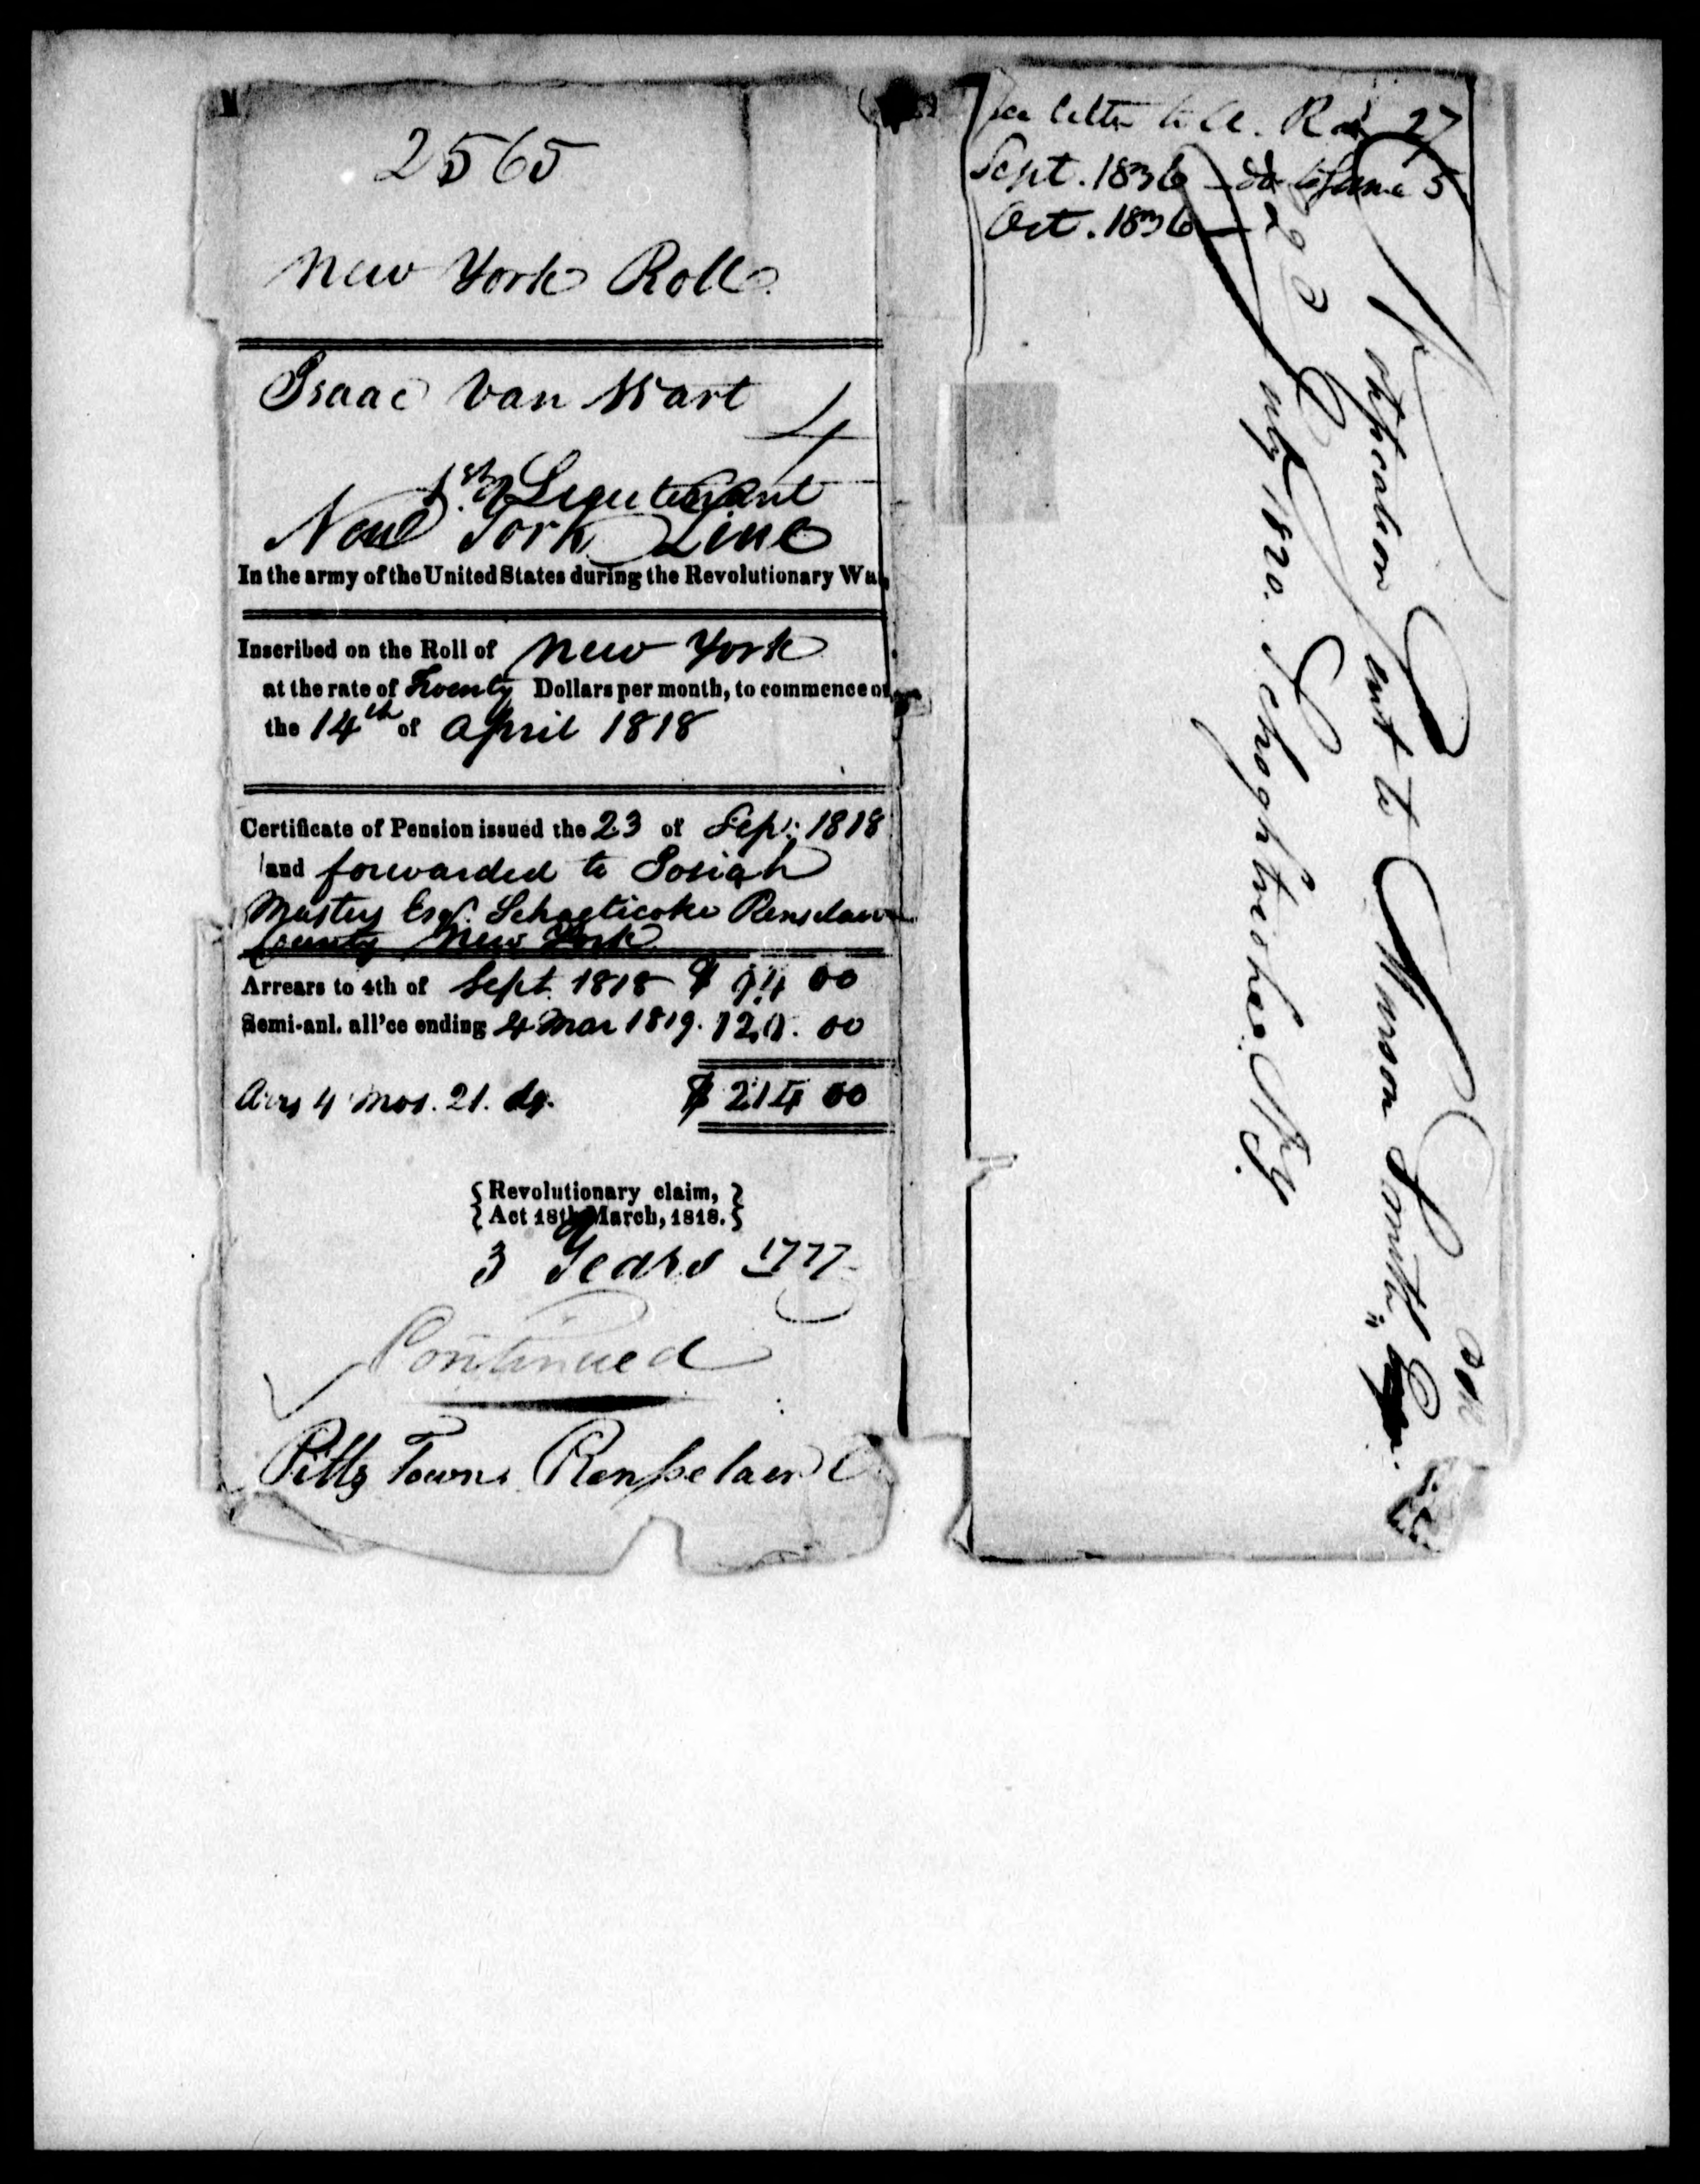[left side]
2565 
New York Roll 
Isaac Van Wart 
Lieutenant New York Line In the army of the United States during the Revolutionary War 
Inscribed on the Roll of New York at the rate of Seventy Dollars per month, to commence on the 14th of April 1818 
Certificate of Pension issued the 23 of Sep 1818 and forwarded to Josiah Masters Esq. Schacticoke Rensselaer County New York
Arrears to 4th of Sept. 1818 $94.00
Semi-anl. all'ce ending 4 Mar 1819. 120.00 
Arrs 4 Mos. 21 ds.  $214.00 
{Revolutionary claim, Act 18th March, 1818.} 
3 years 1777 
Continued
Pitts Town Rensselaer Co

[right side]
[illegible] letter to A. Ray  27 Sept. 1836 – do to Lane 5 Oct. 1836 –
Notification sent to Murson Smith Esq 22d July 1820 Schaghticoke N.Y.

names: Josiah Masters, Murson Smith, Isaac Van Wart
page: 2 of 102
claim: widow's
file: W. 18239, Isaac Van Wart, New York